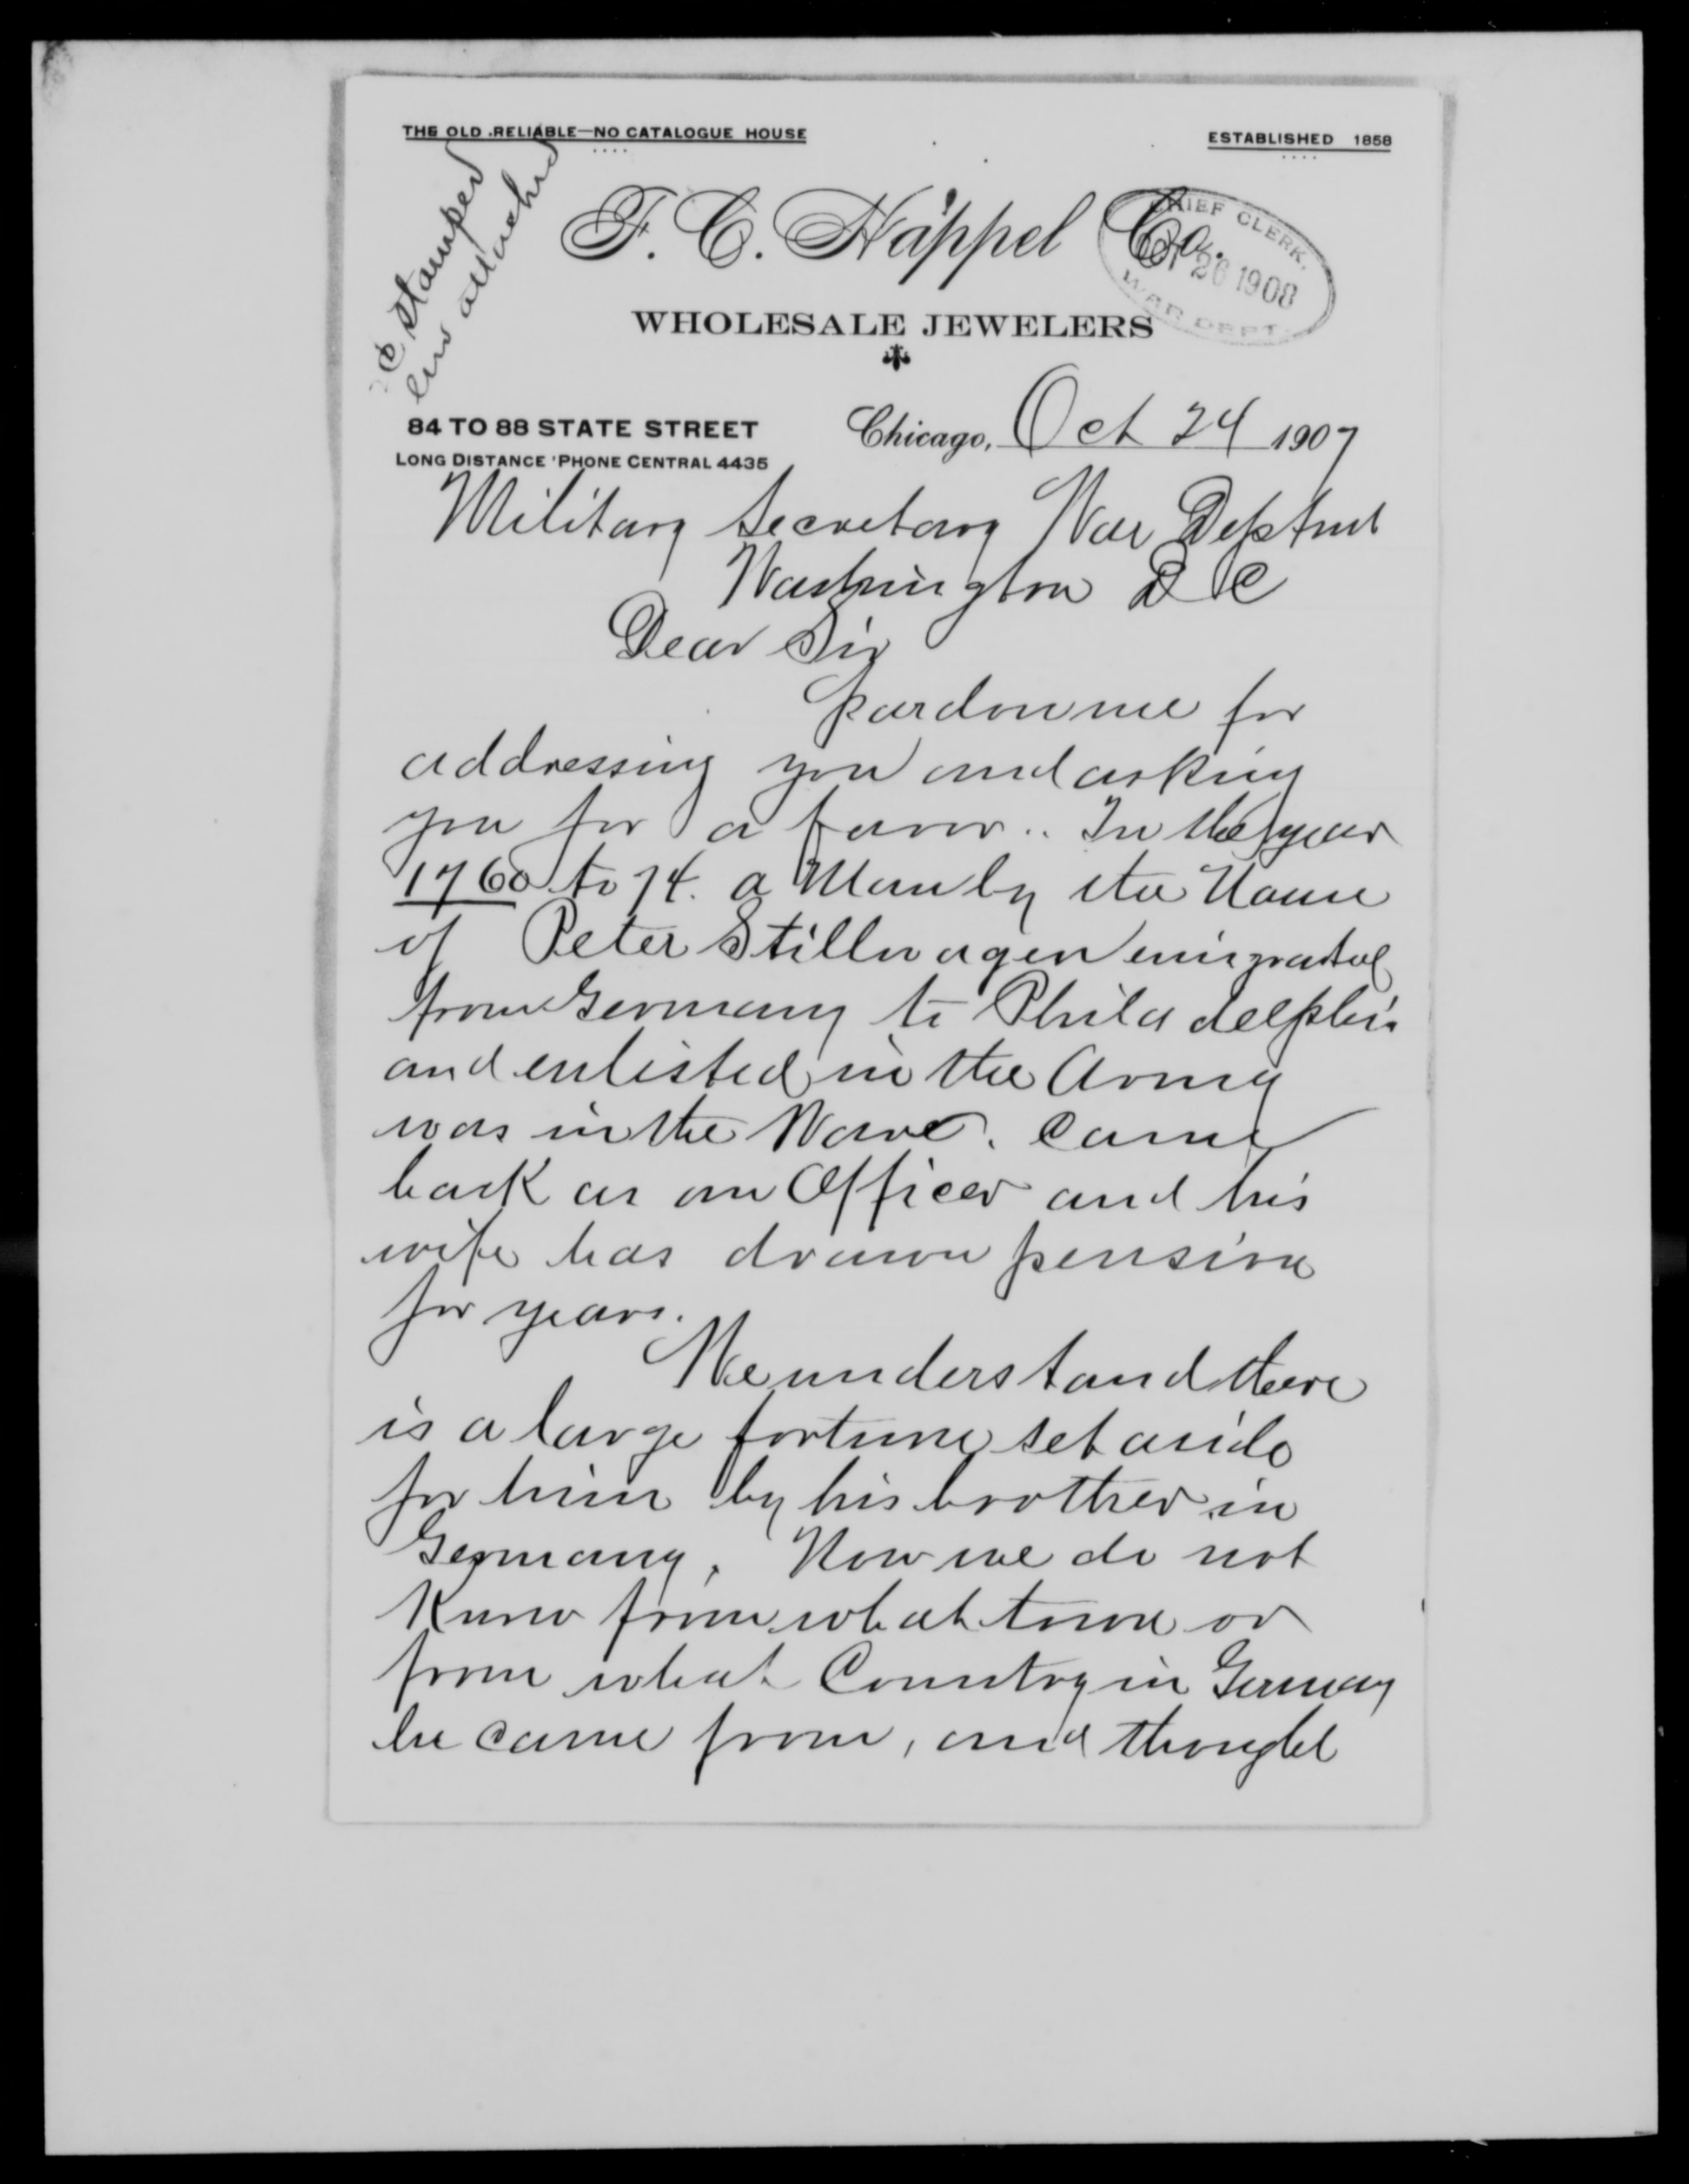[Letterhead]
The Old Reliable—No Catalogue House			Established  1858
F. C. Happel Co.
Wholesale Jewelers
84 to 88 State Street				Chicago, Oct 24, 1907
Long Distance Phone Central 4435
[Letterhead]

[oval stamp to the right of F.C. Happel Co.] Chief Clerk War Dept Oct 21 1908 [oval stamp to the right of F.C. Happel Co.]

[handwritten at a diagonal to the left of F.C. Happel Co.] [illegible] stamped [illegible] attached [handwritten at a diagonal to the left of F.C. Happel Co.]

Military Secretary War Department
Washington D.C.
Dear Sir
Pardon me for addressing you and asking you for a favor. In the year 1760 to 74 a man by the name of Peter Stillwagen [sic] immigrated from Germany to Philadelphia and enlisted in the Army was in the War. Came back as an Officer and his wife has drawn pension for years.

We understand there is a large fortune set aside for him by his brother in Germany. Now er do not know from what town or from what county in Germany he came from and thought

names: Peter Stillwagen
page: 36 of 73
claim: widow's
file: W. 3197, for Peter Stillwagon, New Jersey